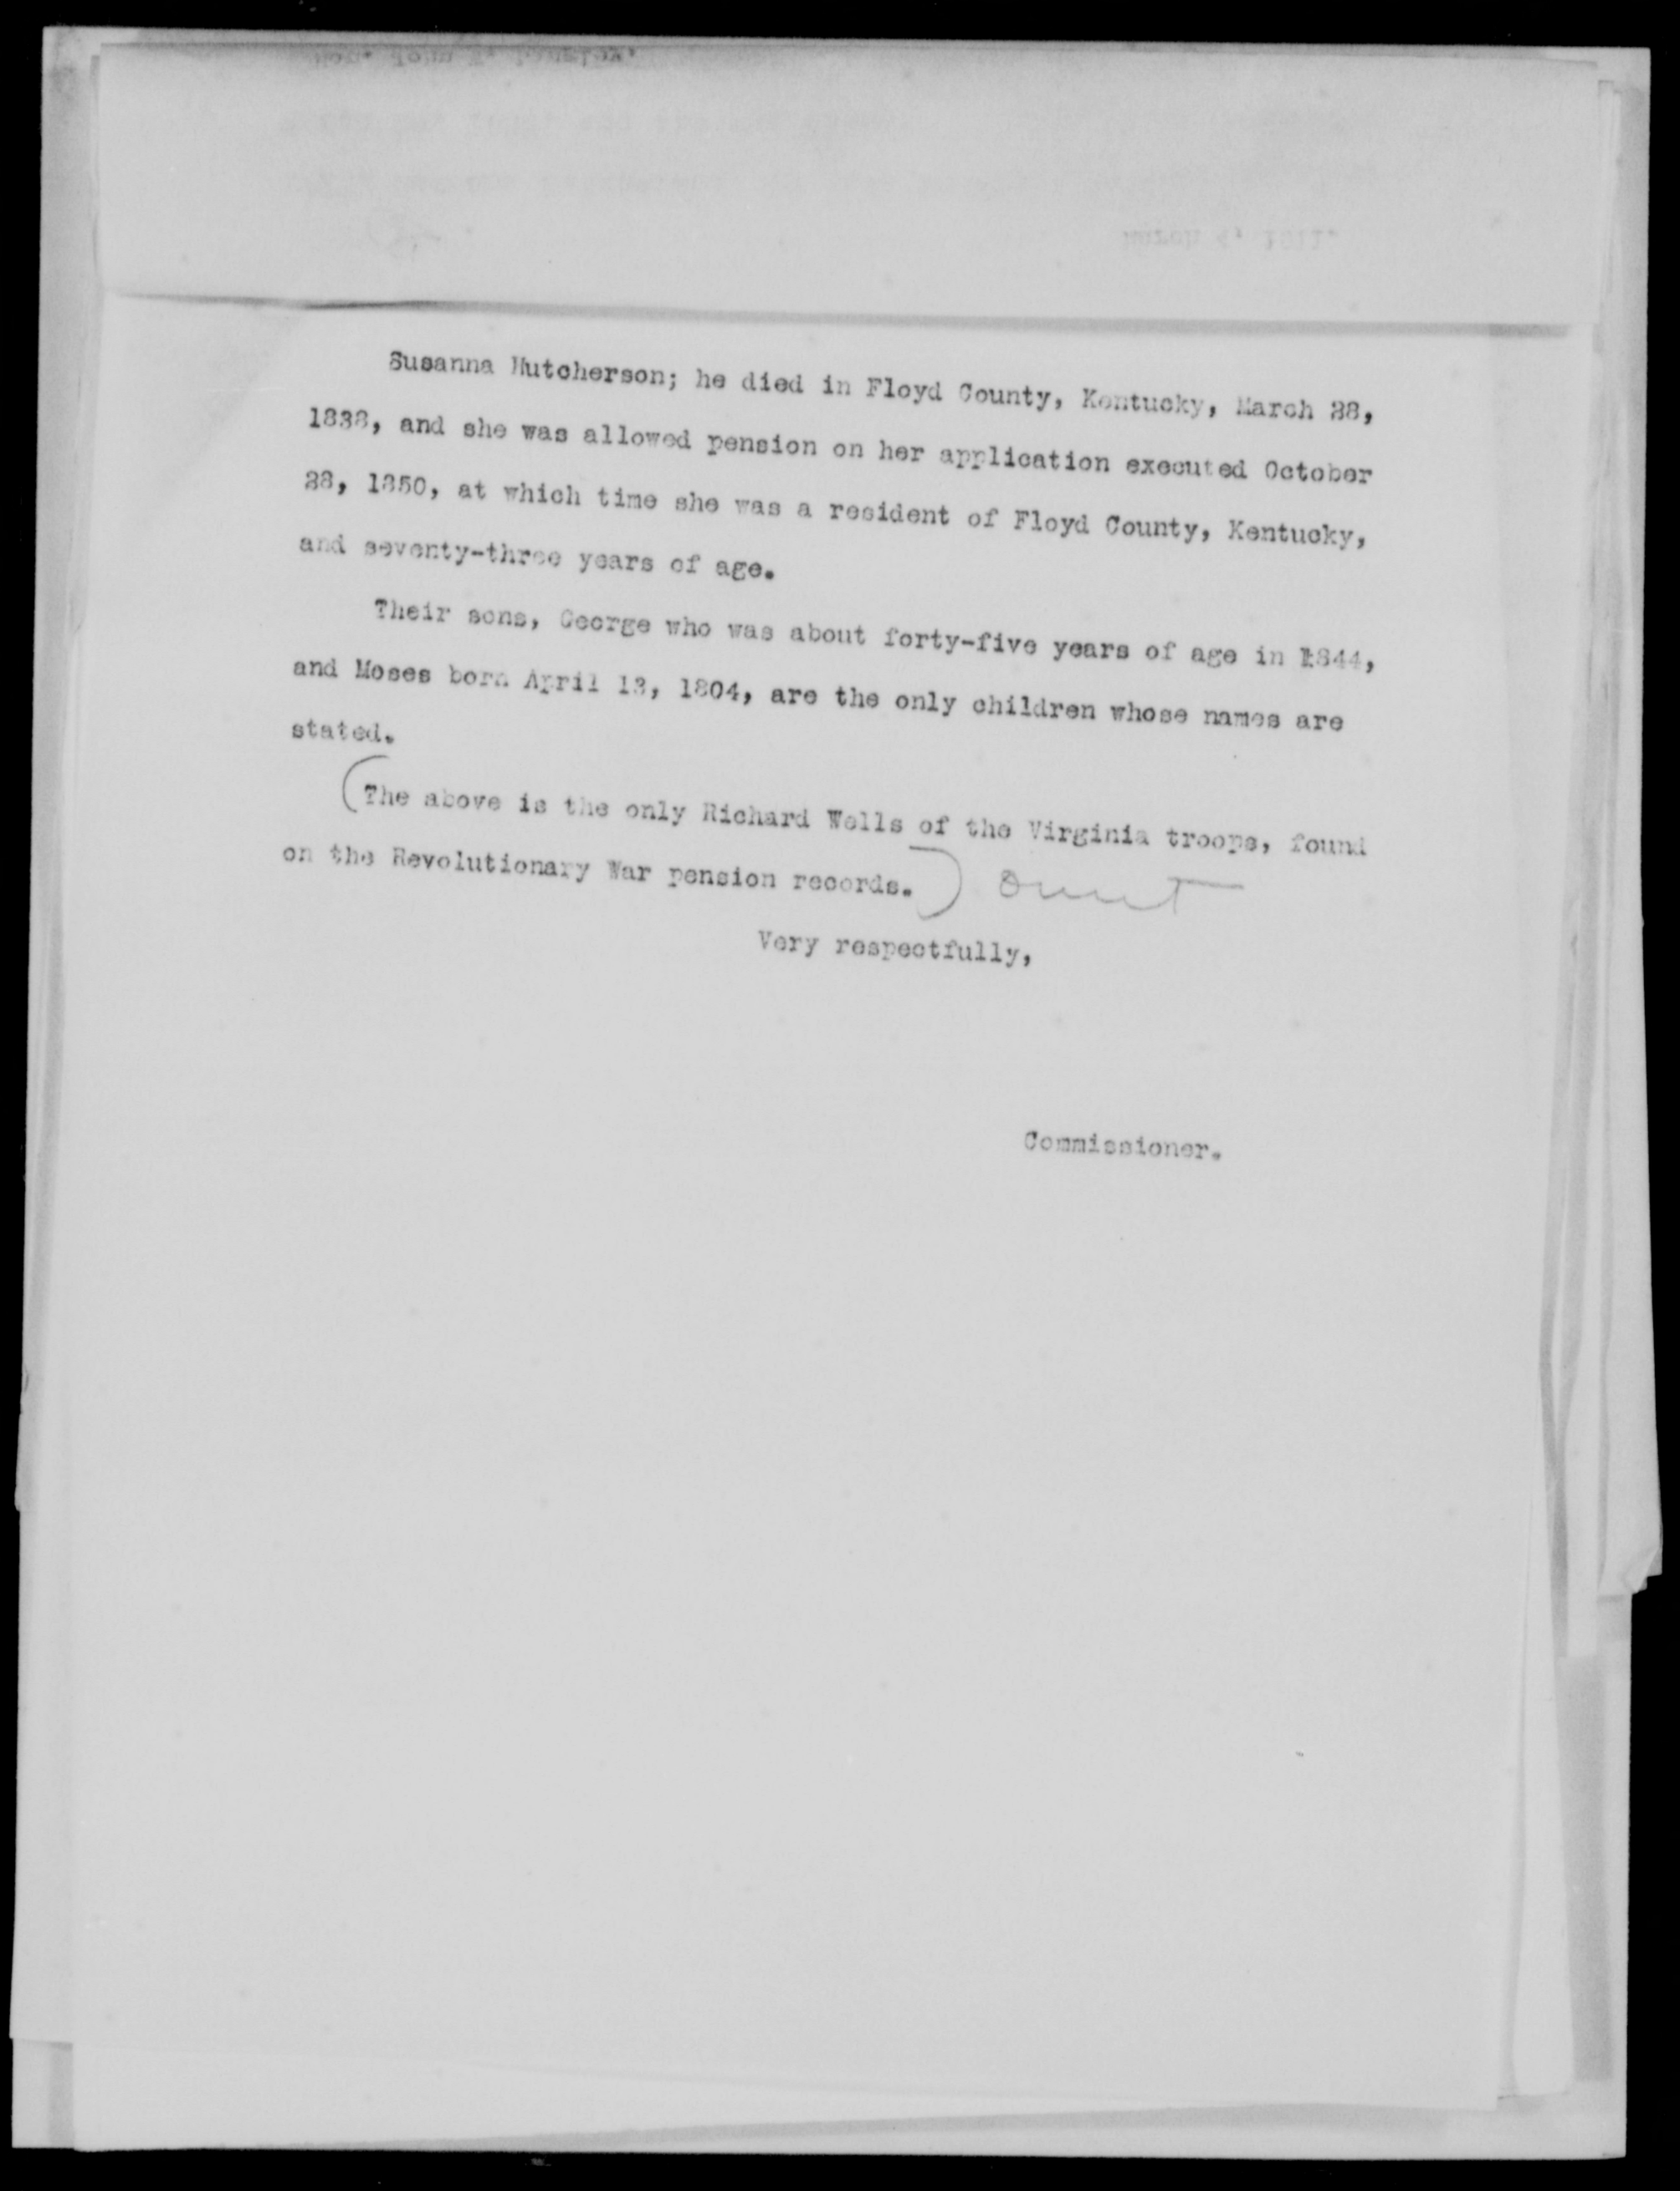Susanna Hutcherson; he died in Floyd County, Kentucky, March 28,
1838, and she was allowed pension on her application executed October
28, 1850, at which time she was a resident of Floyd County, Kentucky,
and seventy-three years of age.
Their sons, George who was about forty-five years of age in 1844,
and Moses born April 18, 1804, are the only children whose names are
stated.
(The above is the only Richard Wells of the Virginia troops, found
in the Revolutionary War pension records.) Omit

Very respectfully,
Commissioner,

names: George, Moses, Susanna Hutcherson, Richard Wells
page: 97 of 100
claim: widow's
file: W. 6437, Richard Wells, Ga Va.